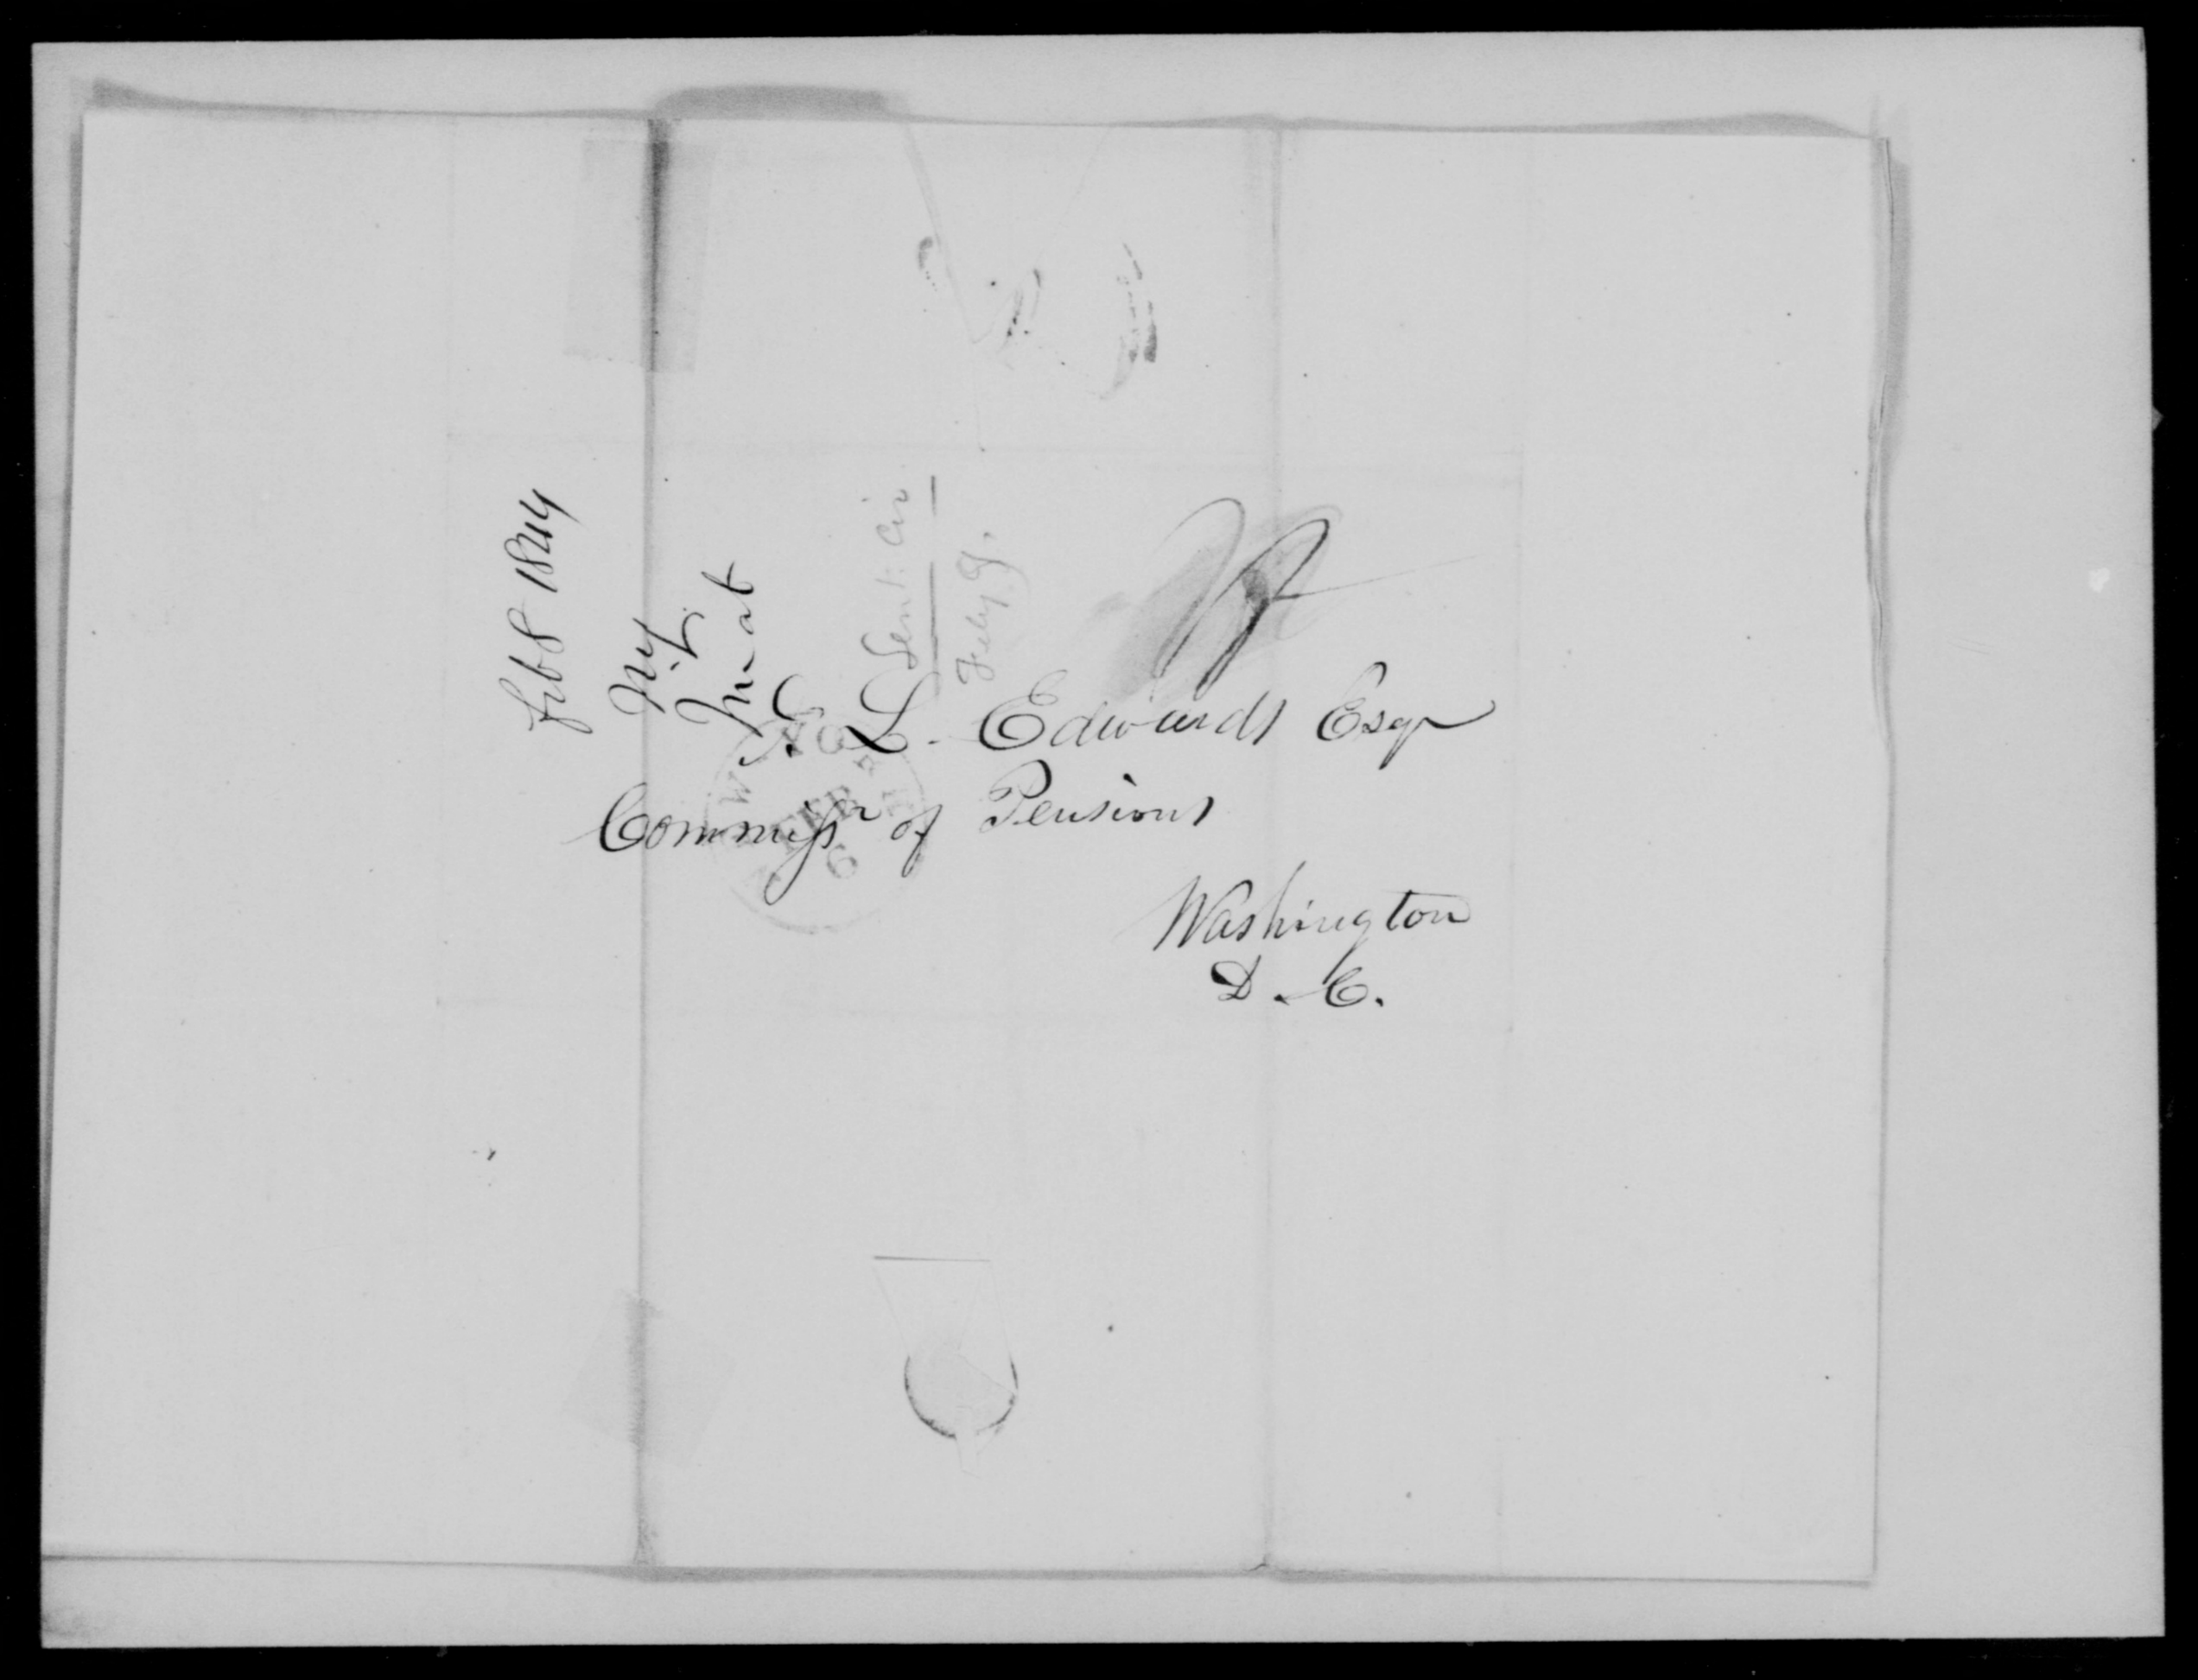J.L. Edwards Esqr
Commissr of Pensions
Washington D.C.

[on side]
feb 8 1844  N.Y. Jurat
  Sent [cir?] Feby 9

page: 78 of 101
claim: widow's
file: W. 25481, for Peter V Tilyou, New Jersey